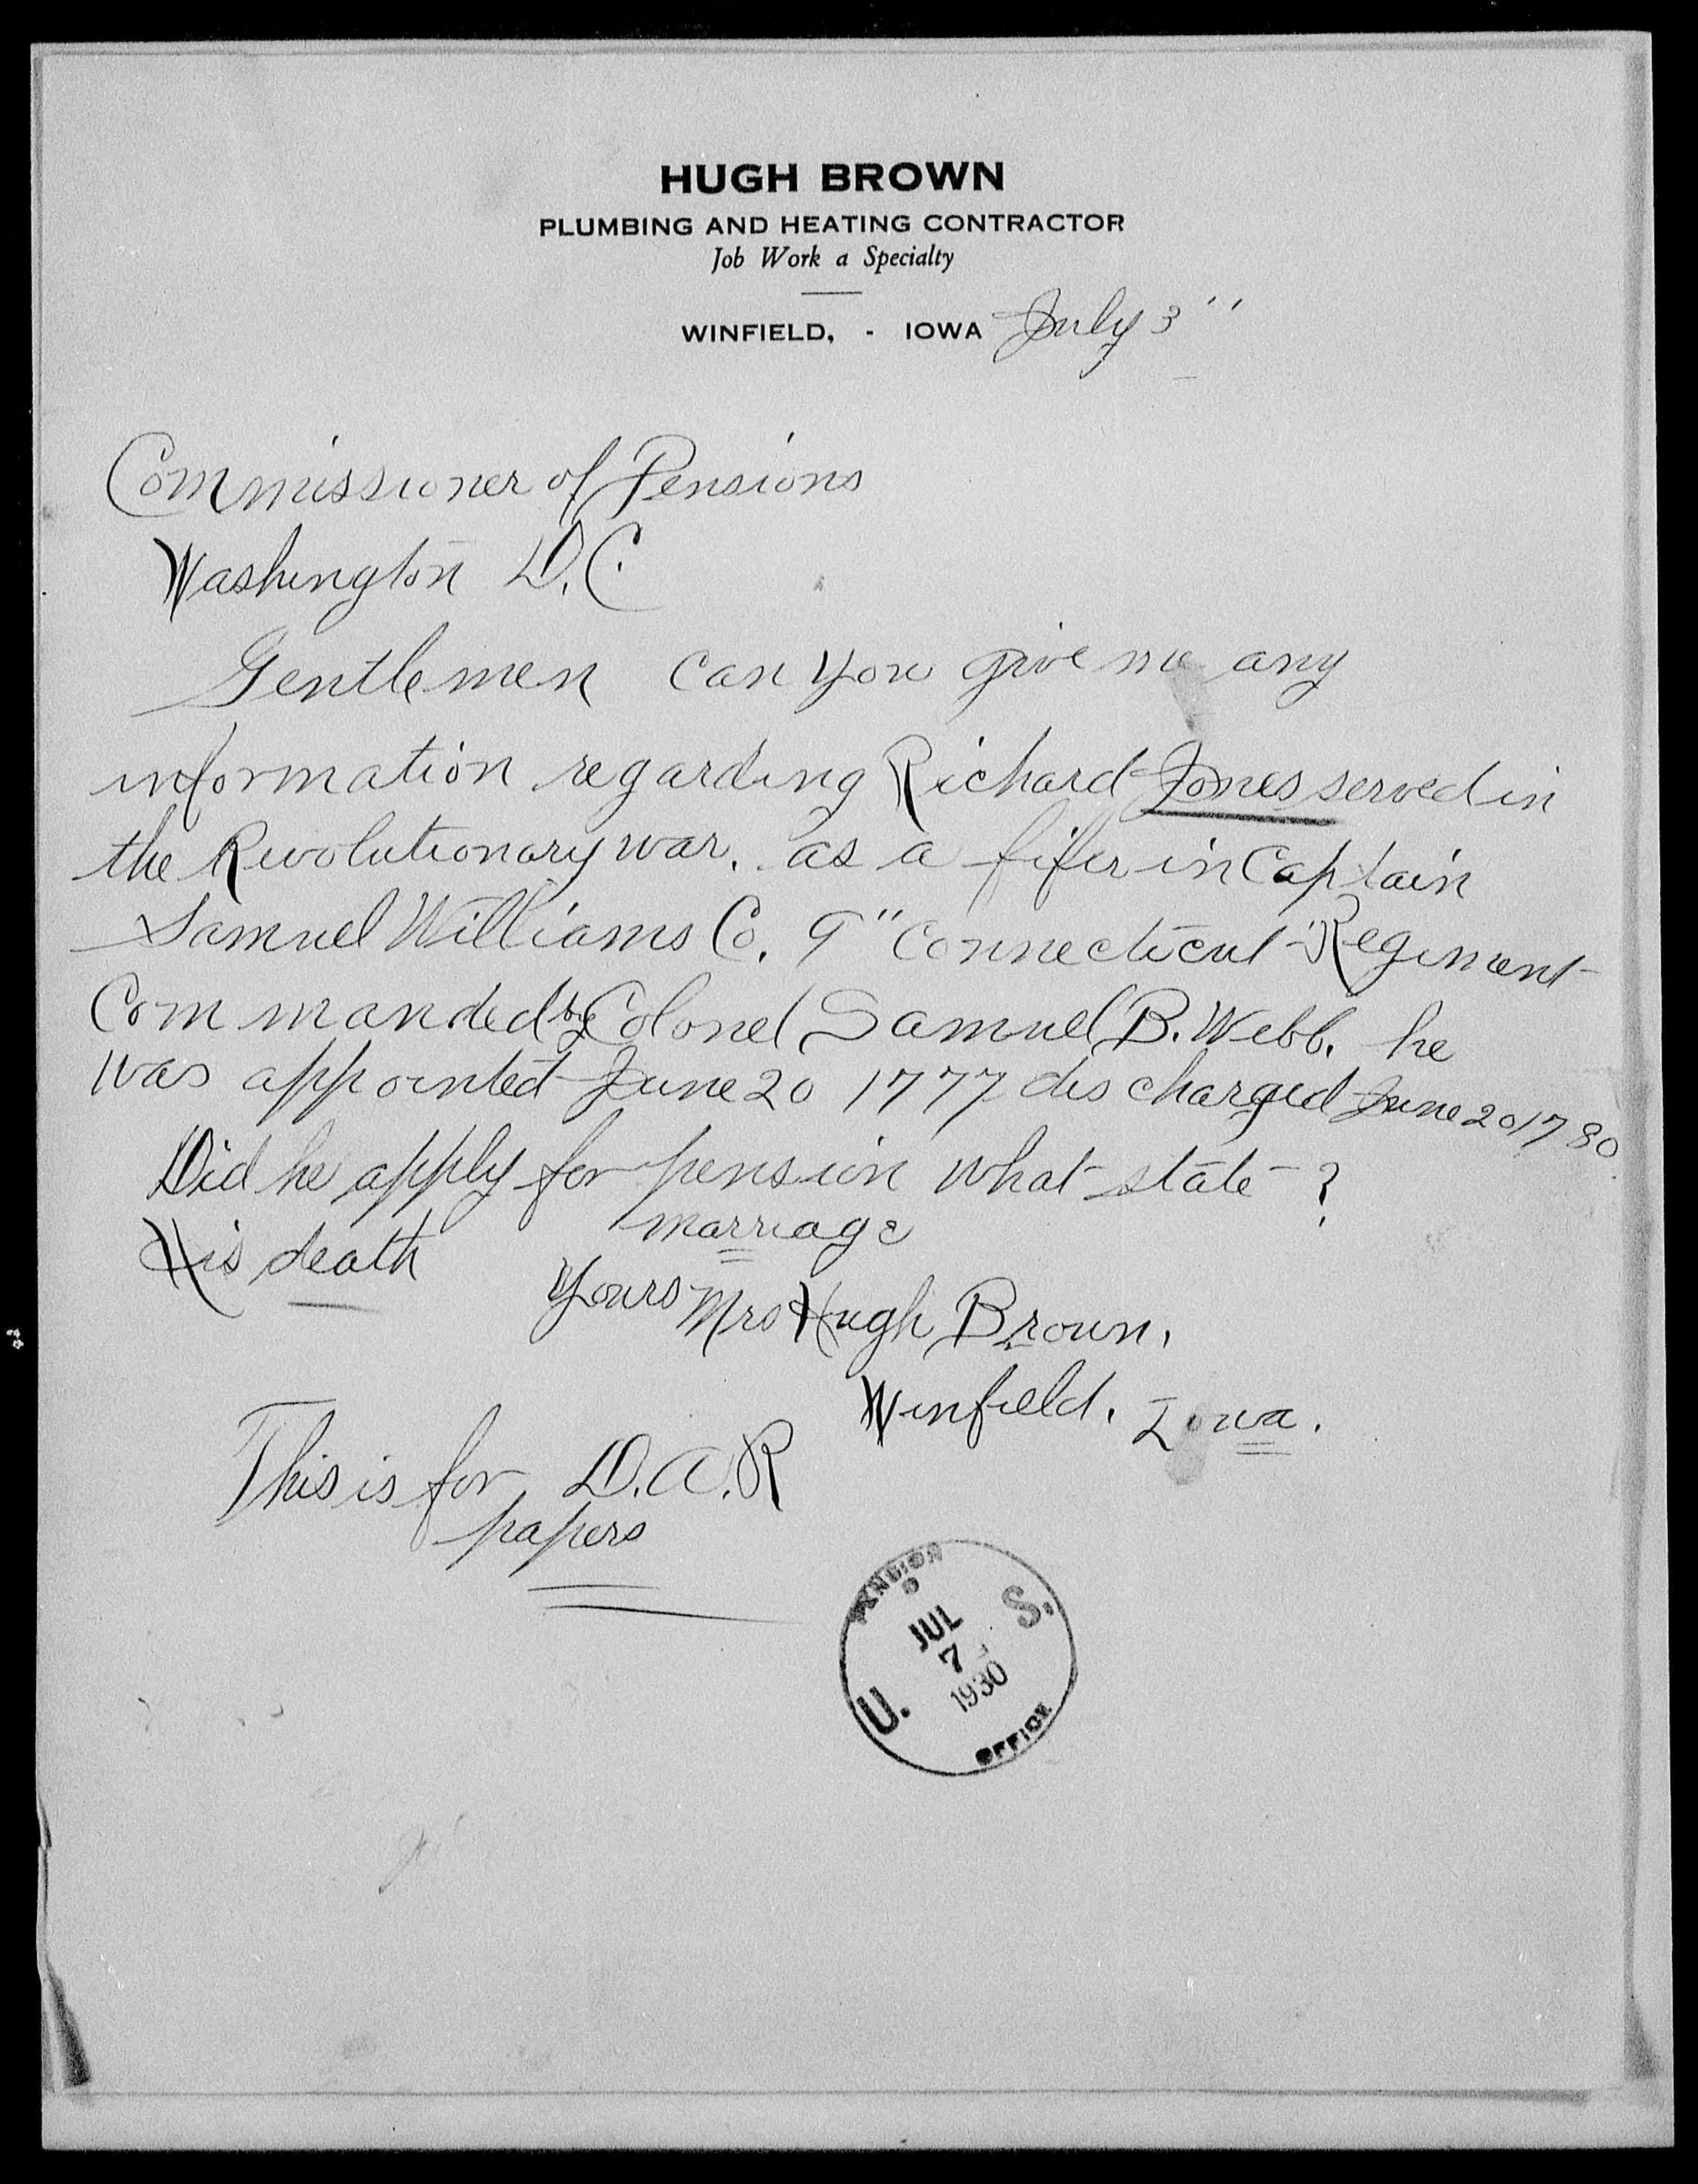HUGH BROWN
PLUMBING AND HEATING CONTRACTOR
Job Work a Specialty
WINFIELD, July 3
Commissioner of Pensions
Washington D.C.
Gentlemen
can you give me any
information regarding Richard Jones served in
the Revolutionary war, as a fifer in Captain
Samuel Williams C. 9 "Connecticut Regiment
Commanded by Colonel Samuel B. Webb, he
as appointed June 20 1777 discharged June 20 1780
Did he apply for pension in what state?
His death
Marriage
Yours Mrs Hugh Brown
Winfield, Lowa,
This is for D.A.R papers
[Black round stamp: PENSION U.S. OFFICE JULY 7 1930]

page: 19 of 62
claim: widow's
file: W. 765, for Richard L Jones, Connecticut